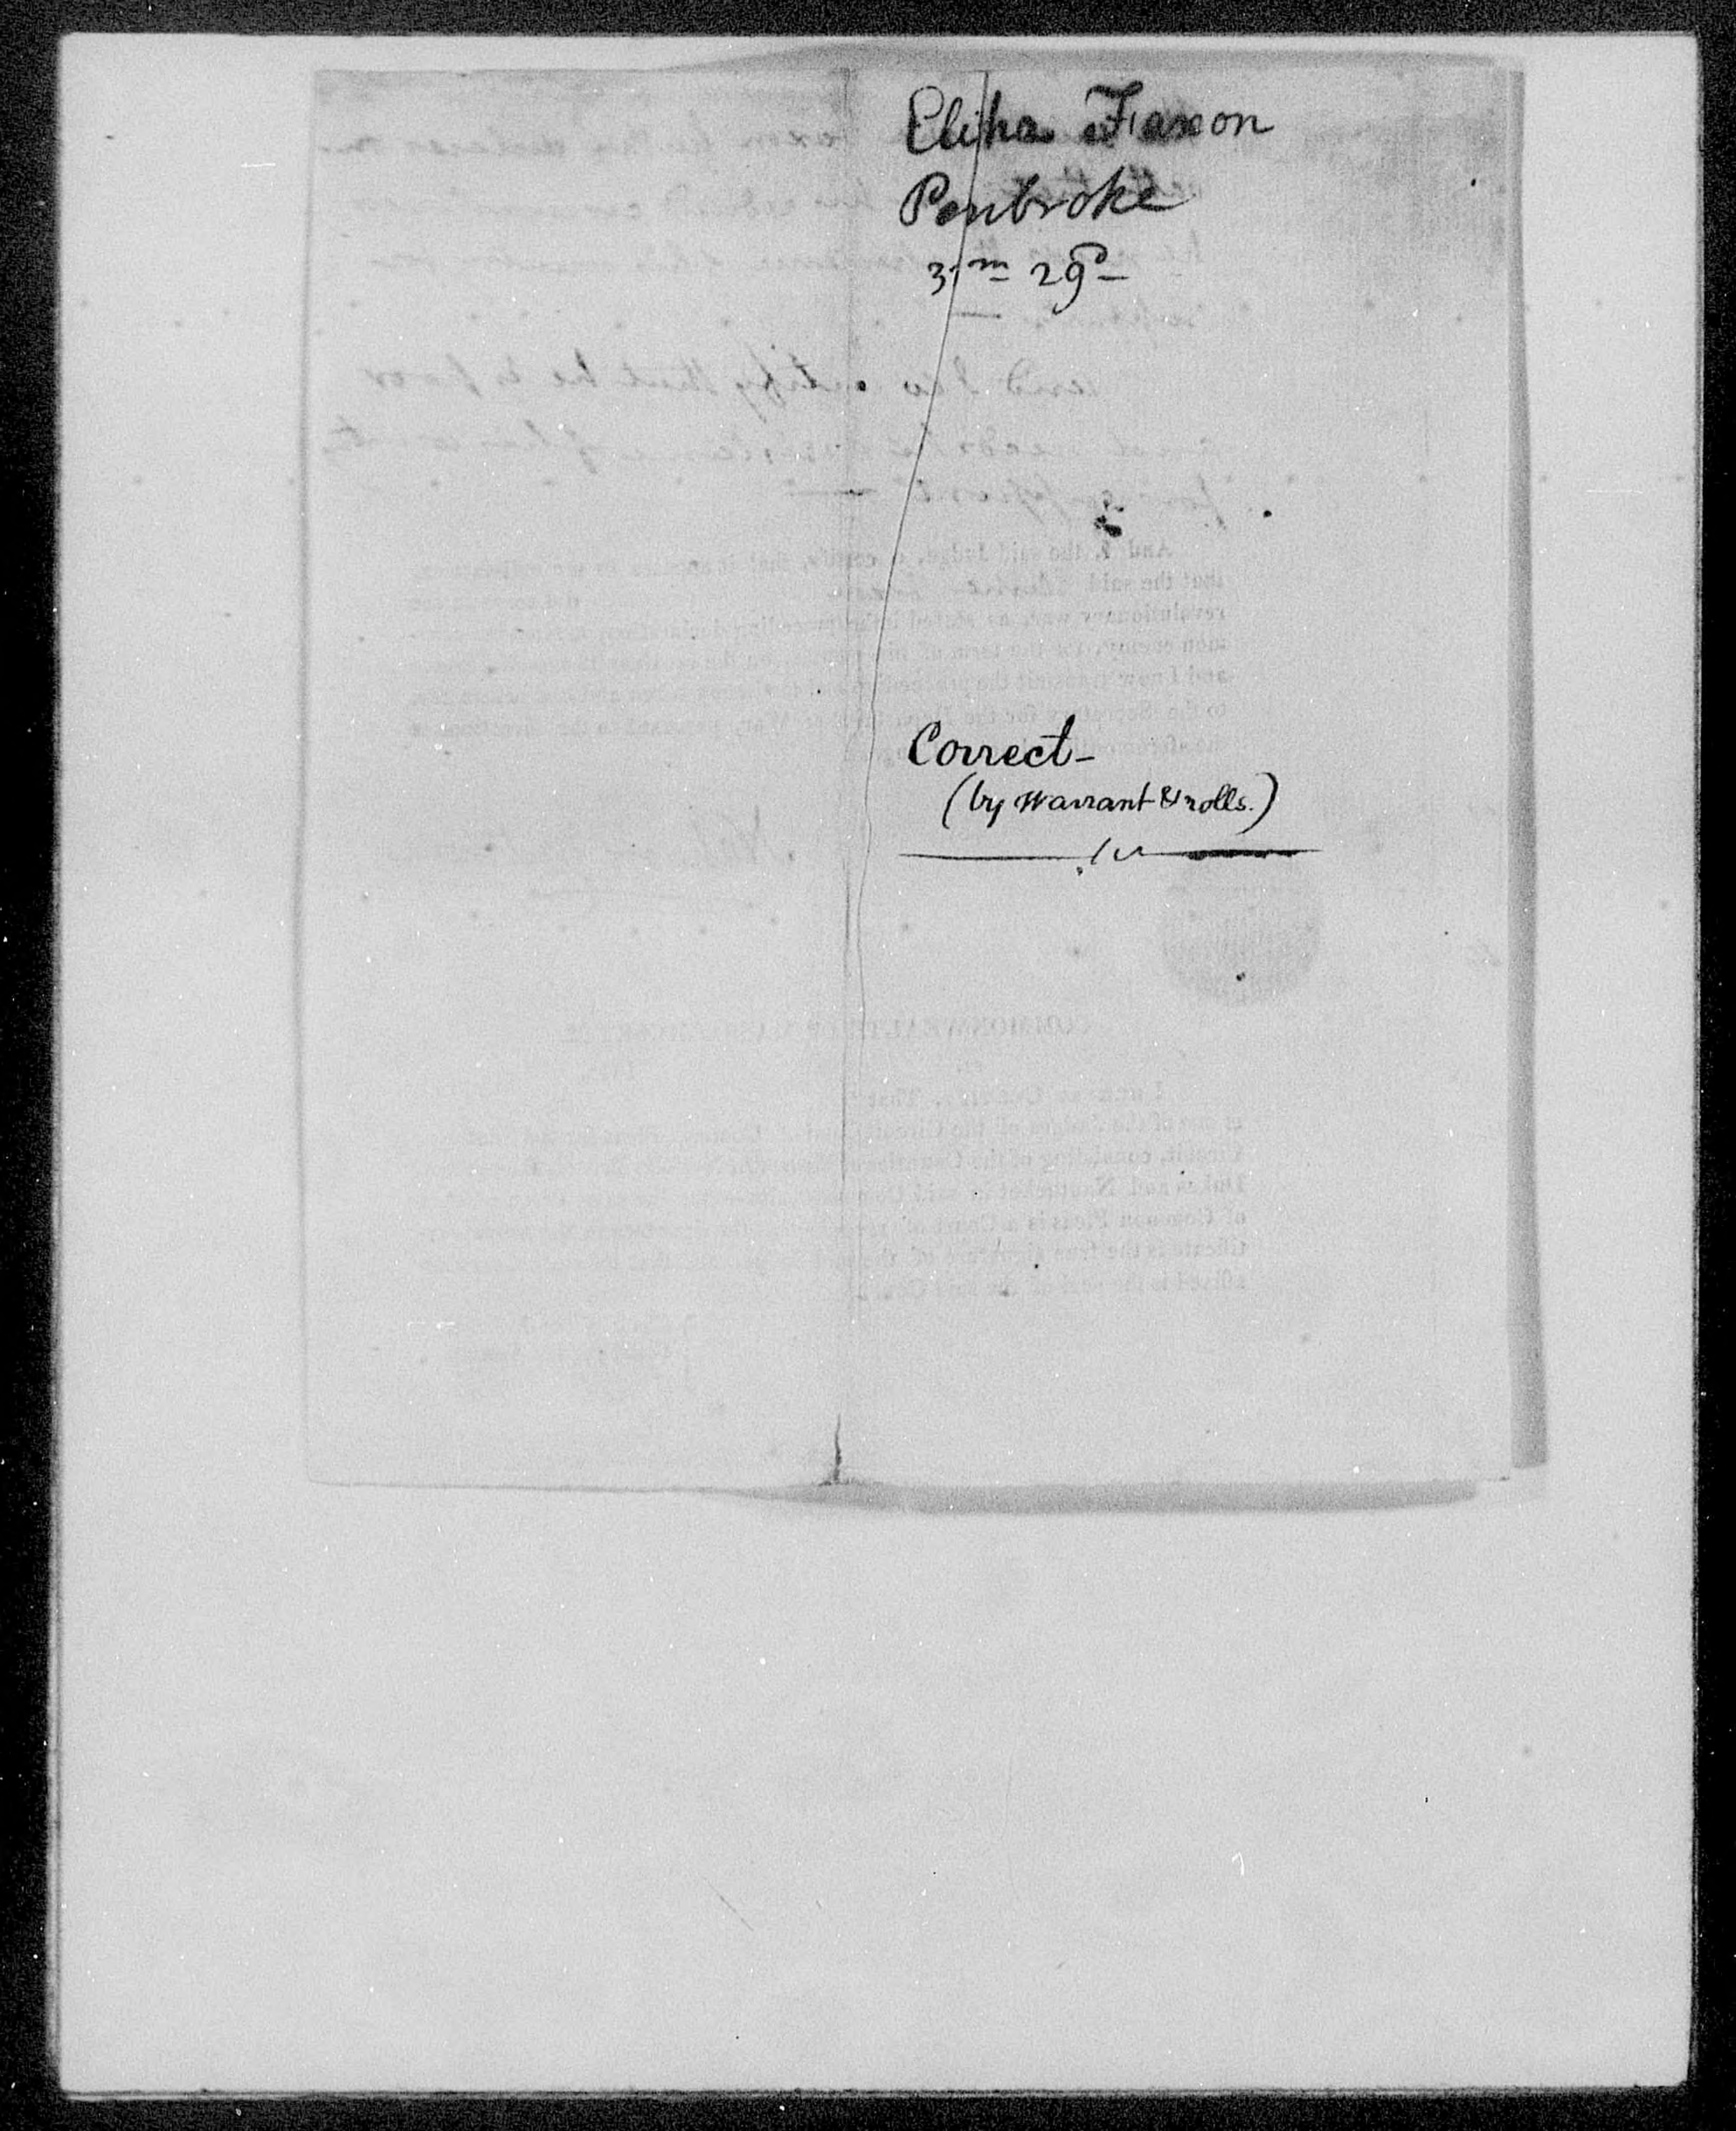Elisha Faxon
Pembroke
3 months 29 days

Correct-
(by warrant and rolls.)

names: Elisha Faxon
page: 13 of 47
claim: widow's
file: W. 14703, Elisha Faxon, Mass